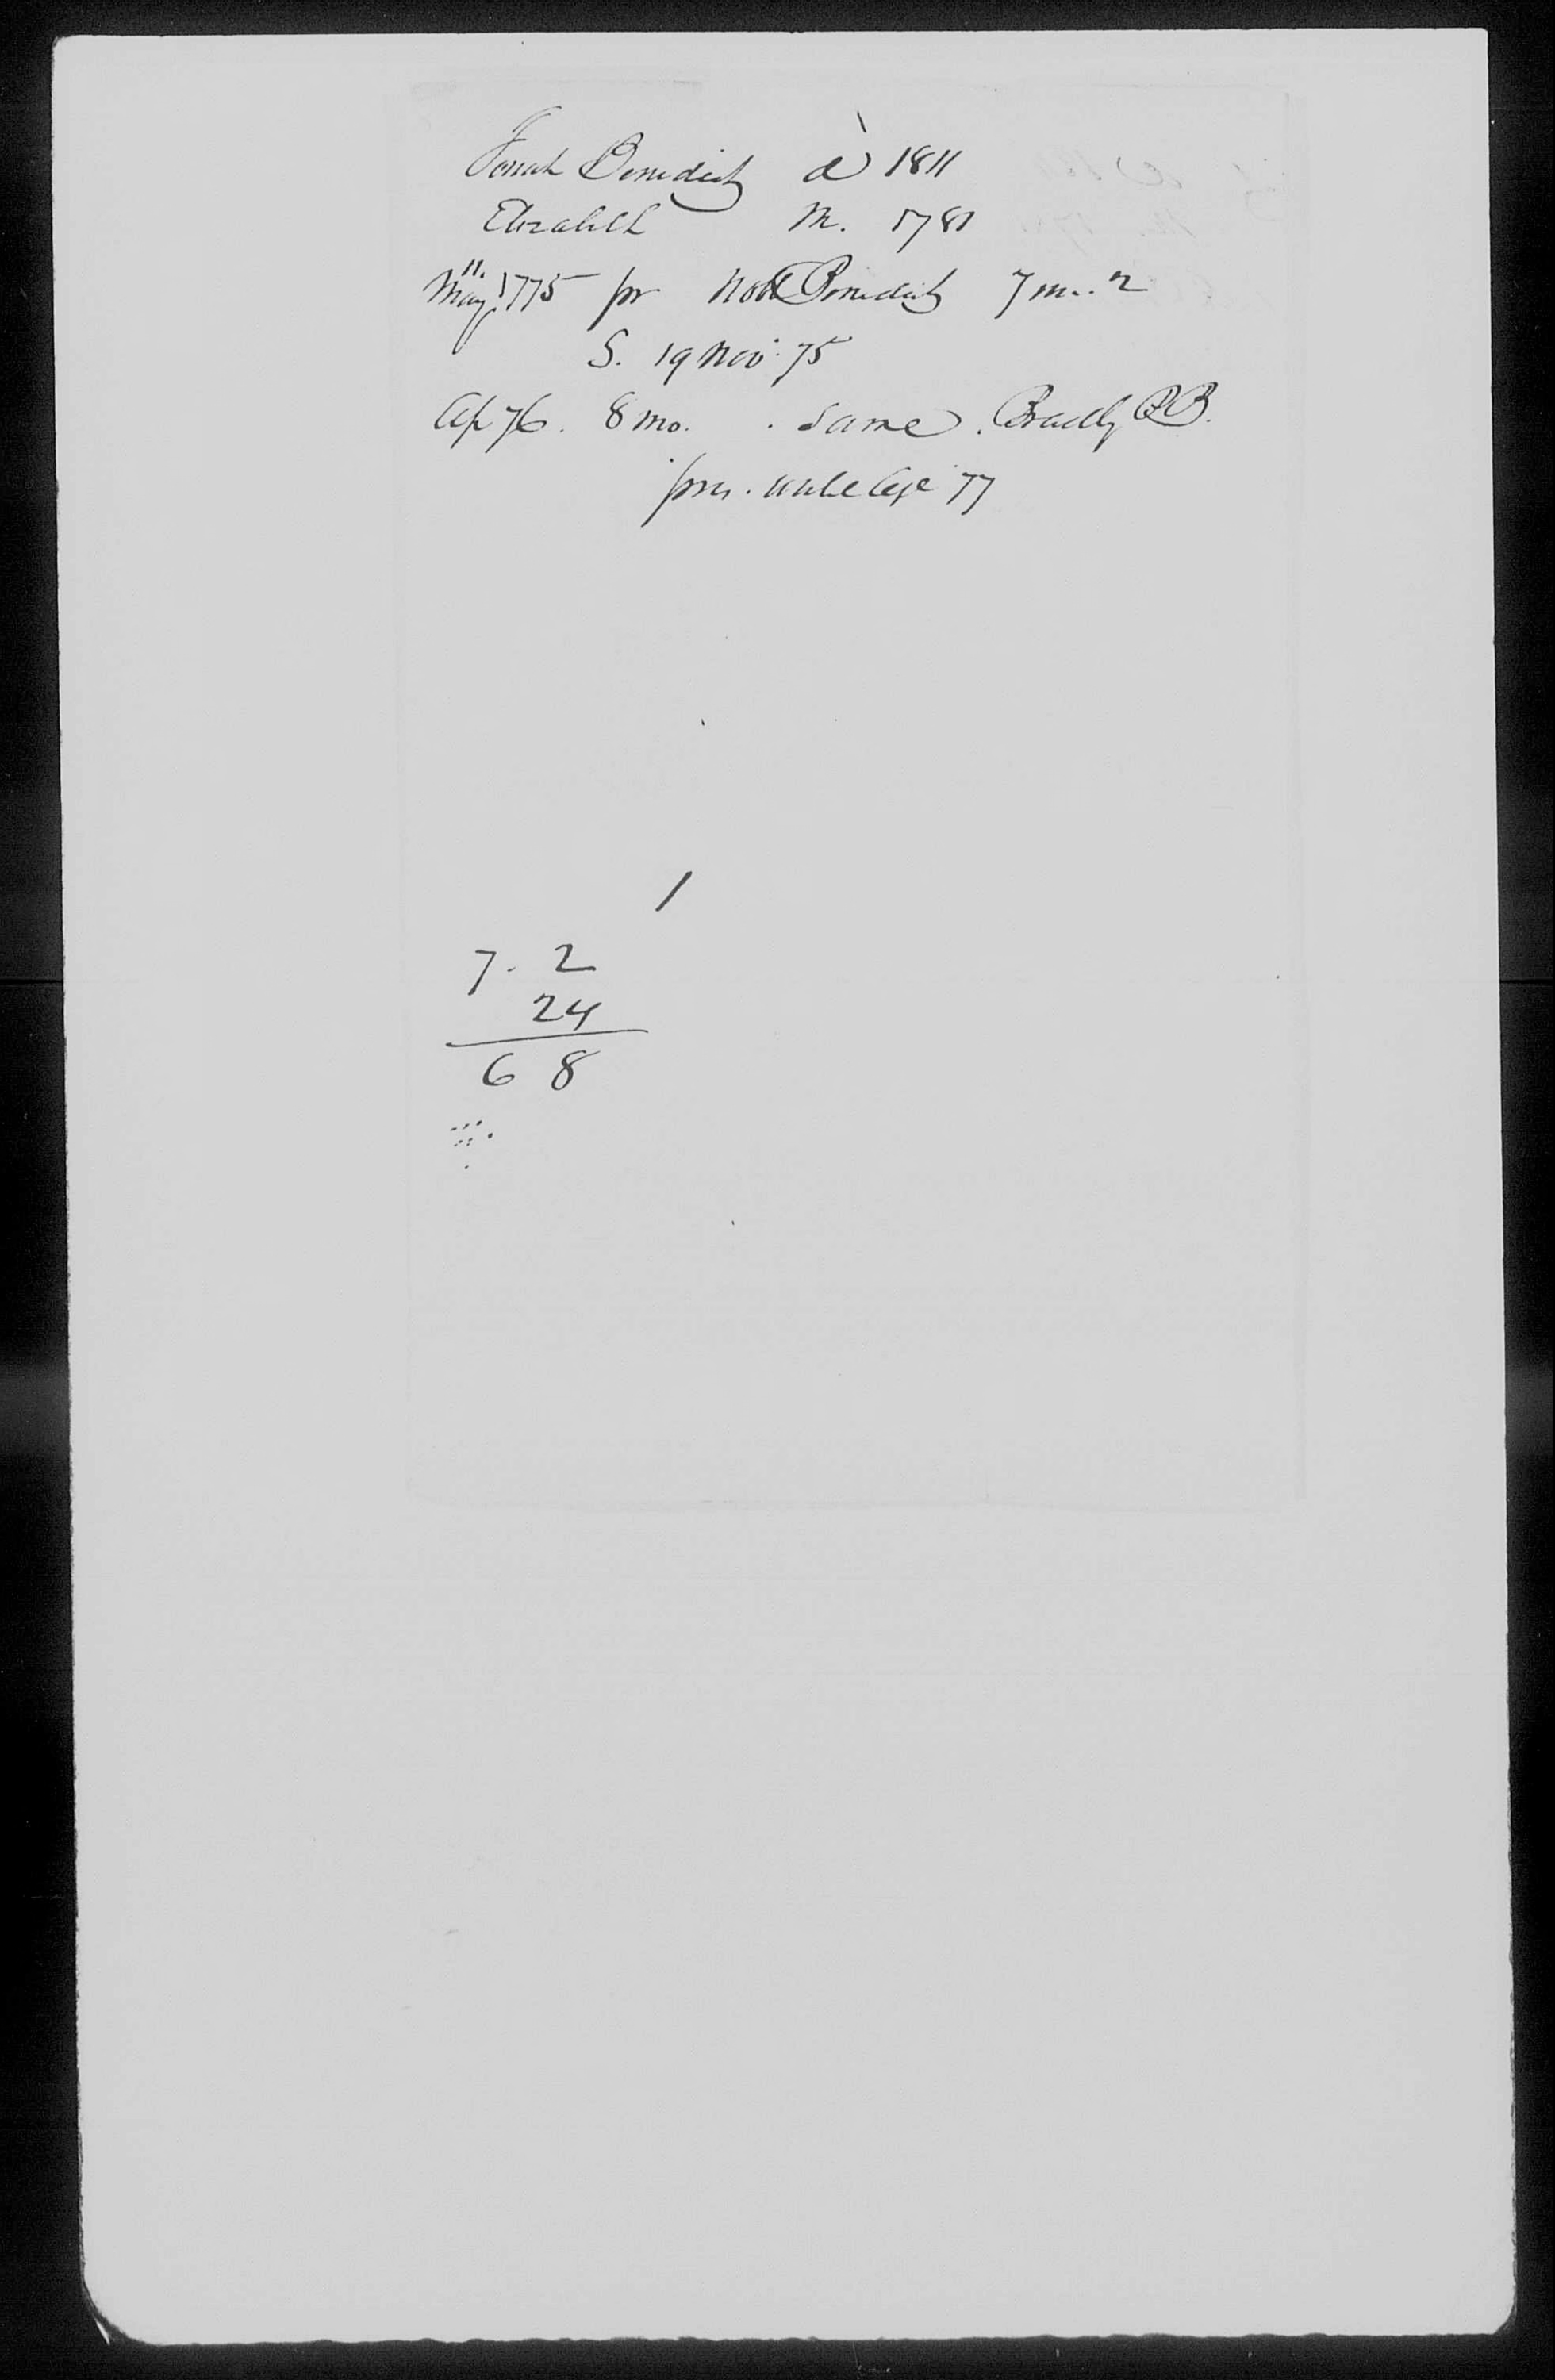Jonah Benedict   d 1811
Elizabeth             m 1781
  11
May 1775  pr   Nobl  Benedict 7  mo 2
                 S. 19 Nov 75
Cpl 76    8 mo.  Saml Bradly PB.
     pres. untelge 77


7.2
 24
____
68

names: Saml Bradly, Noble Benedict, Jonah Benedict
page: 23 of 56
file: [ILLEGIBLE], Jonah Benedict, Conn.